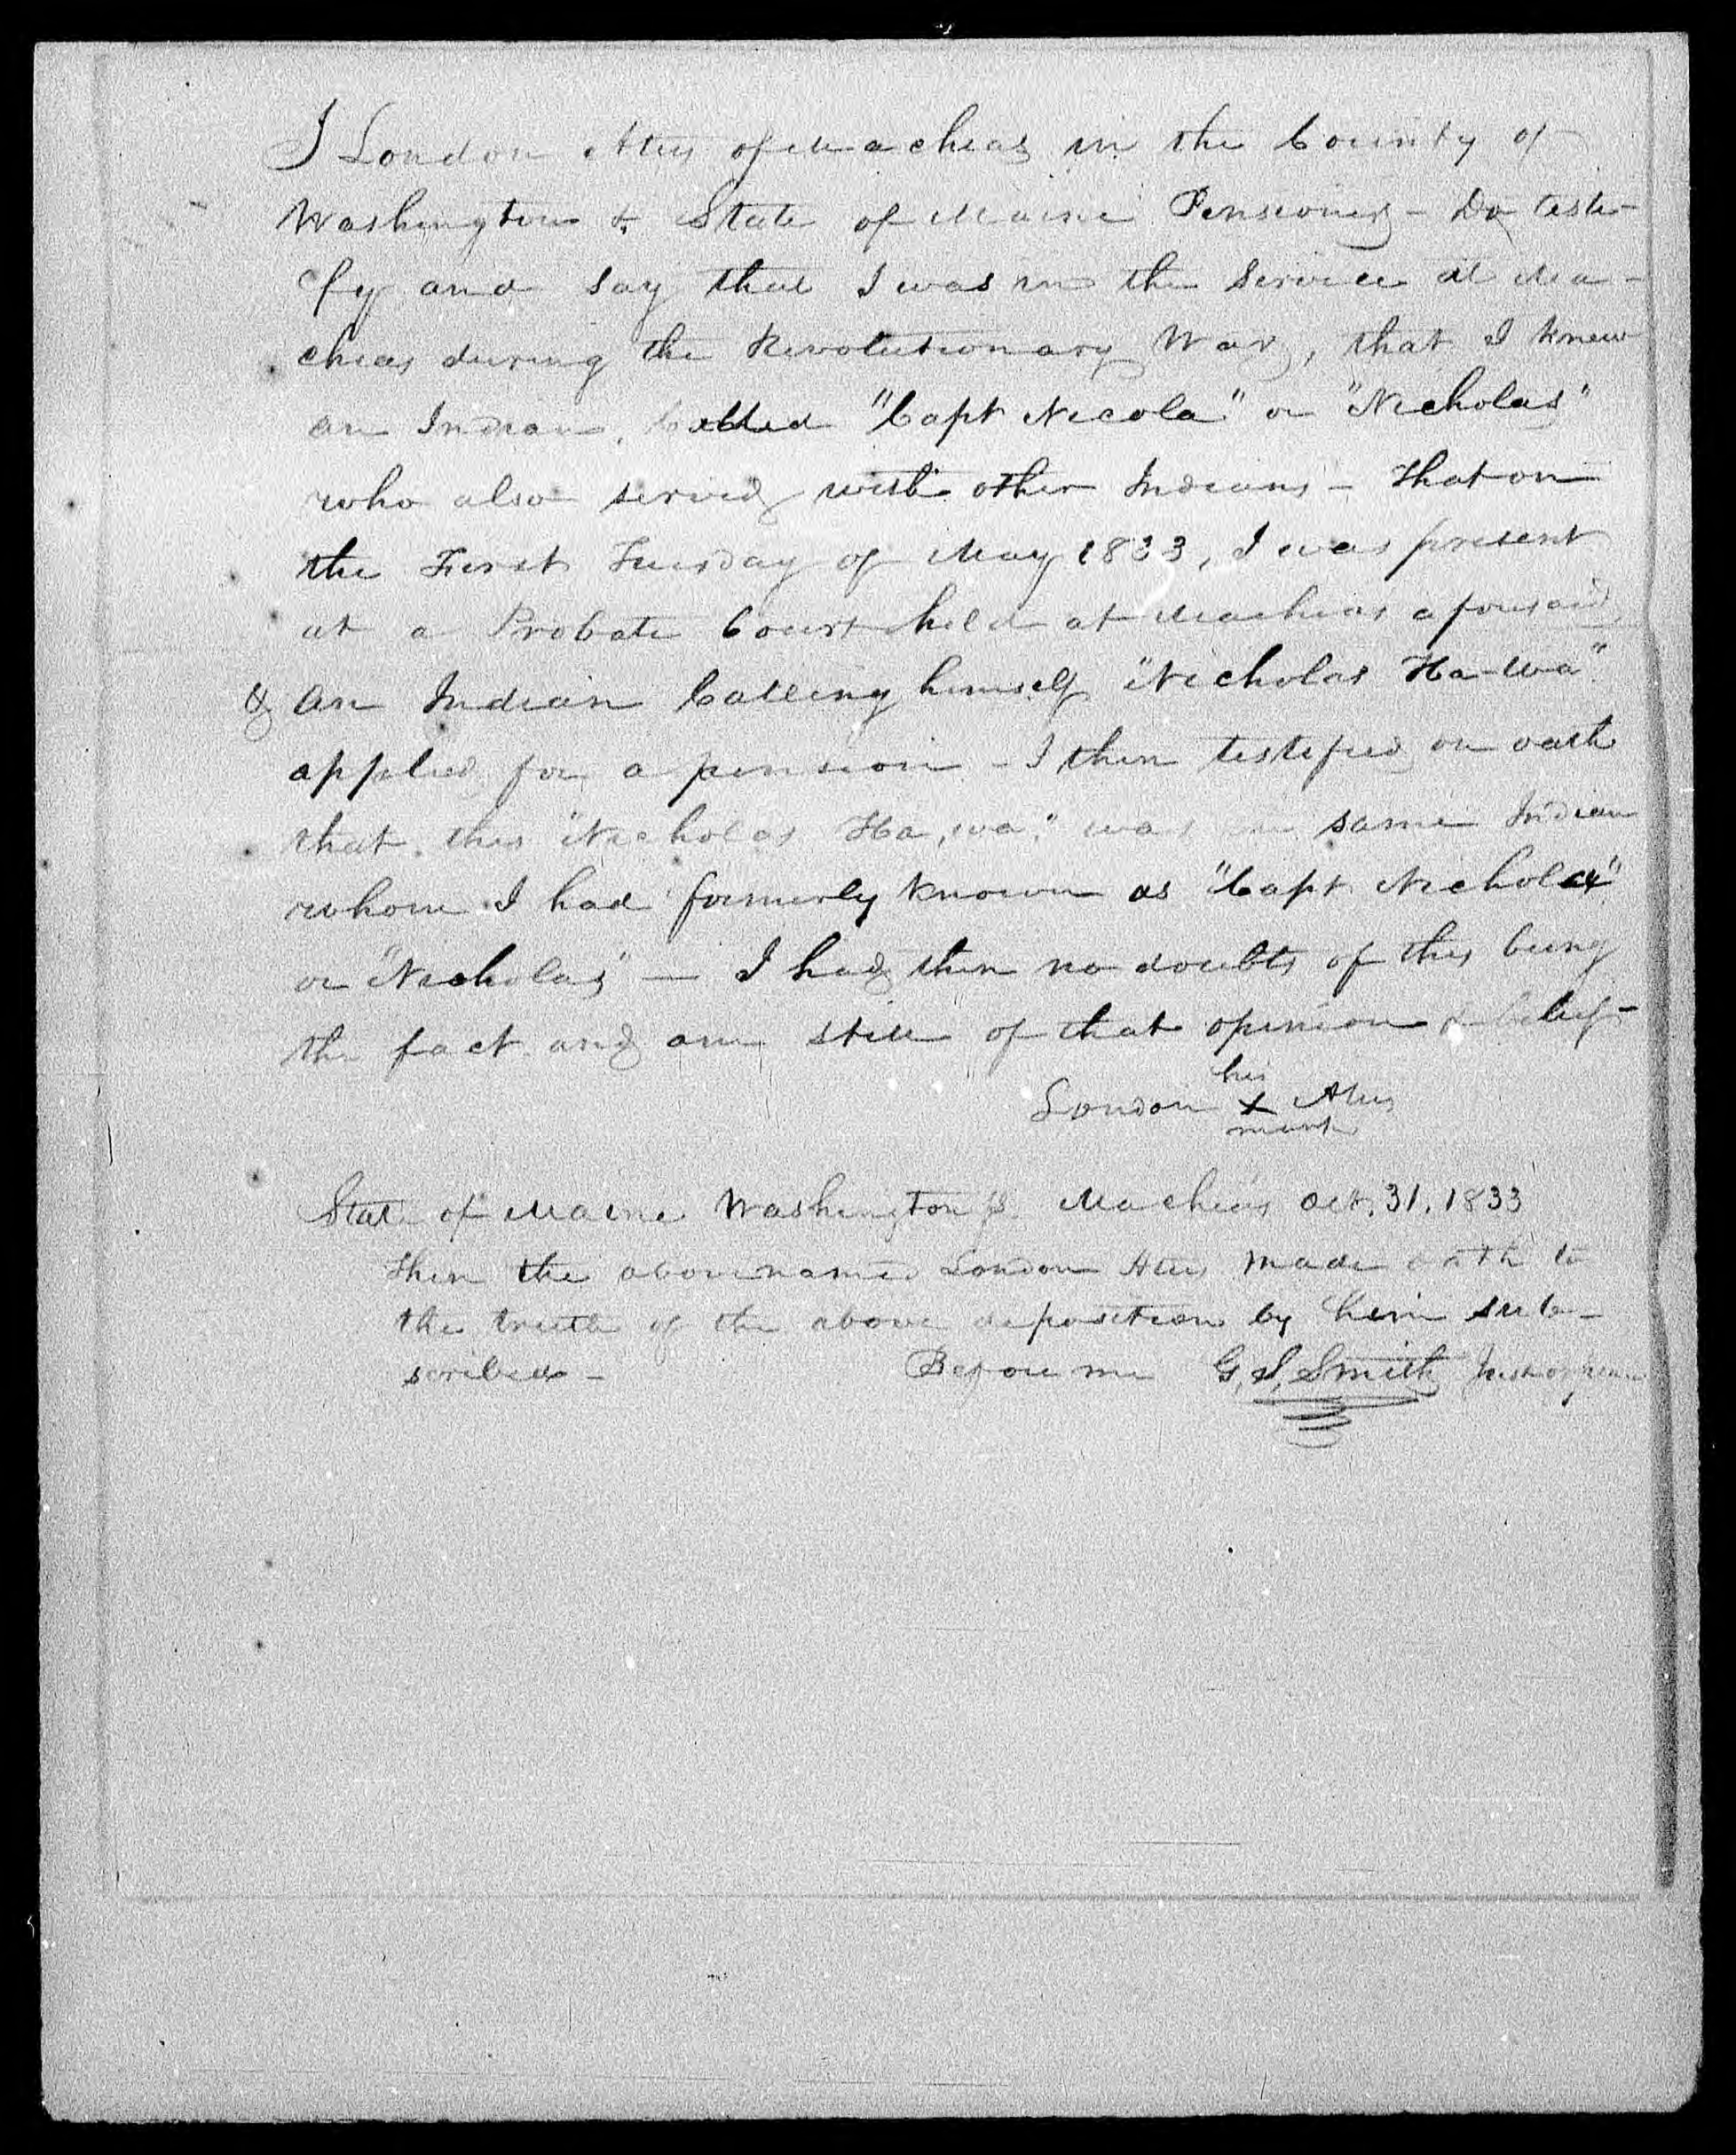I London Atus of Machias in the County of
Washington & State of Maine Pensioner –Do testi-
fy and say that I was in the Service at Ma-
chias during the Revolutionary War, that I knew
an Indian, so called "Capt Nicola" or "Nicholas"
who also served with other Indians – That on
the First Tuesday of May 1833, I was present
at a Probate Court held at Machias aforesaid
& an Indian Calling himself "Nicholas Ha-wa"
applied for a pension – I then testified on oath
that this "Nicholas Ha,wa," was the same Indian
whom I had formerly known as "Capt Nicholex"
or "Nicholas" — I had then no doubts of this being
the fact and am still of that opinion & belief –

Sworn his X mark Atus

State of Maine Washingont ss. Machias Oct. 31, 1833
Then the above named London Atus made oath to
the truth of the above deposition by him sub-
scribed -

Before me G. S. Smith Just of peace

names: Nicholas Hawa, London Atus, Nicholas, G S Smith, Nicholas, Nicola, London Atus, Nicholas, Nicholas Hawa, London Atus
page: 26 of 52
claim: survivor's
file: S 17997, Nicholas Hawwawas, Mass.